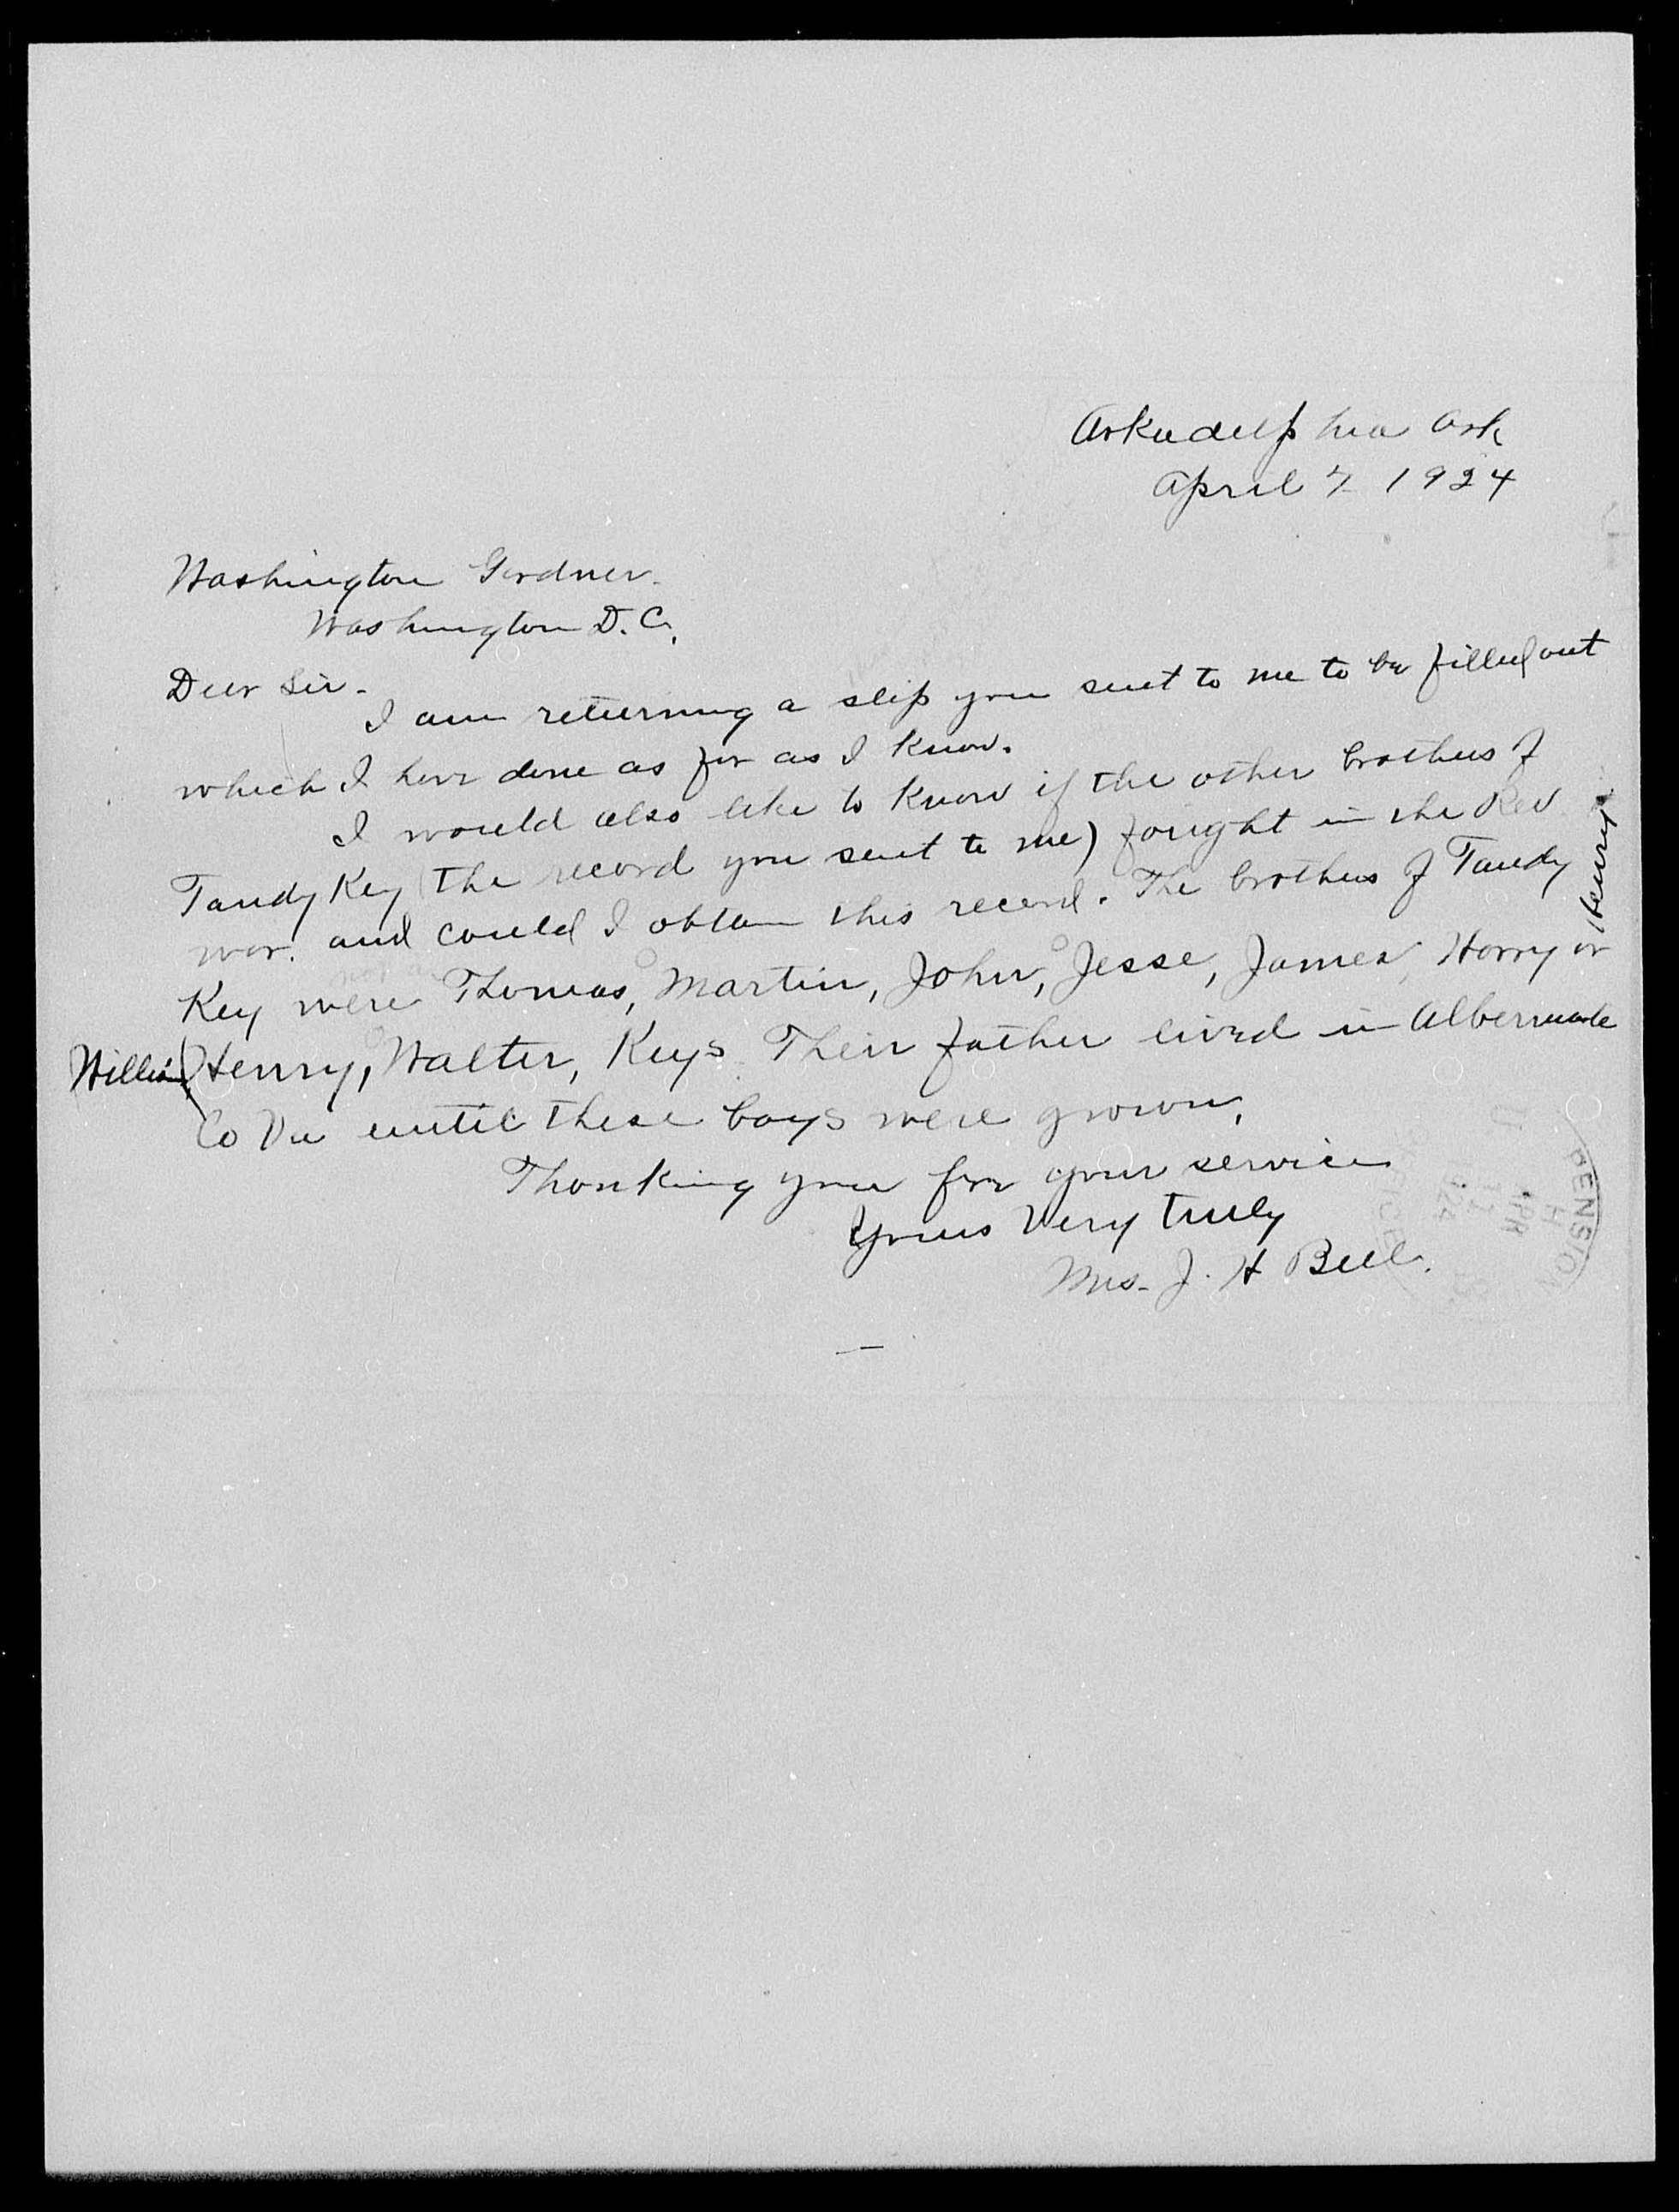Page 14

Arkadelphia Ark
April 7 1924

Washington Gardner
Washington D.C.

Dear Sir,

I am returning a slip you sent to me to be filled out which I here done as far as I know.

I would also like to know if the other brothers of Tandy Key (the record you sent to me) fought in the Rev war and could I obtain this record. The brothers of Tandy Key were Thomas, Martin, John, Jesse, James Harry or
Henry, William, Henry, Walter, Keys. Their father lived in Albermarle Co Va until these boys were grown.

Thanking you for your service
Yours very truly
Mrs. J.H. Bell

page: 14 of 25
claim: survivor's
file: S 38116, for Henry Key, Virginia